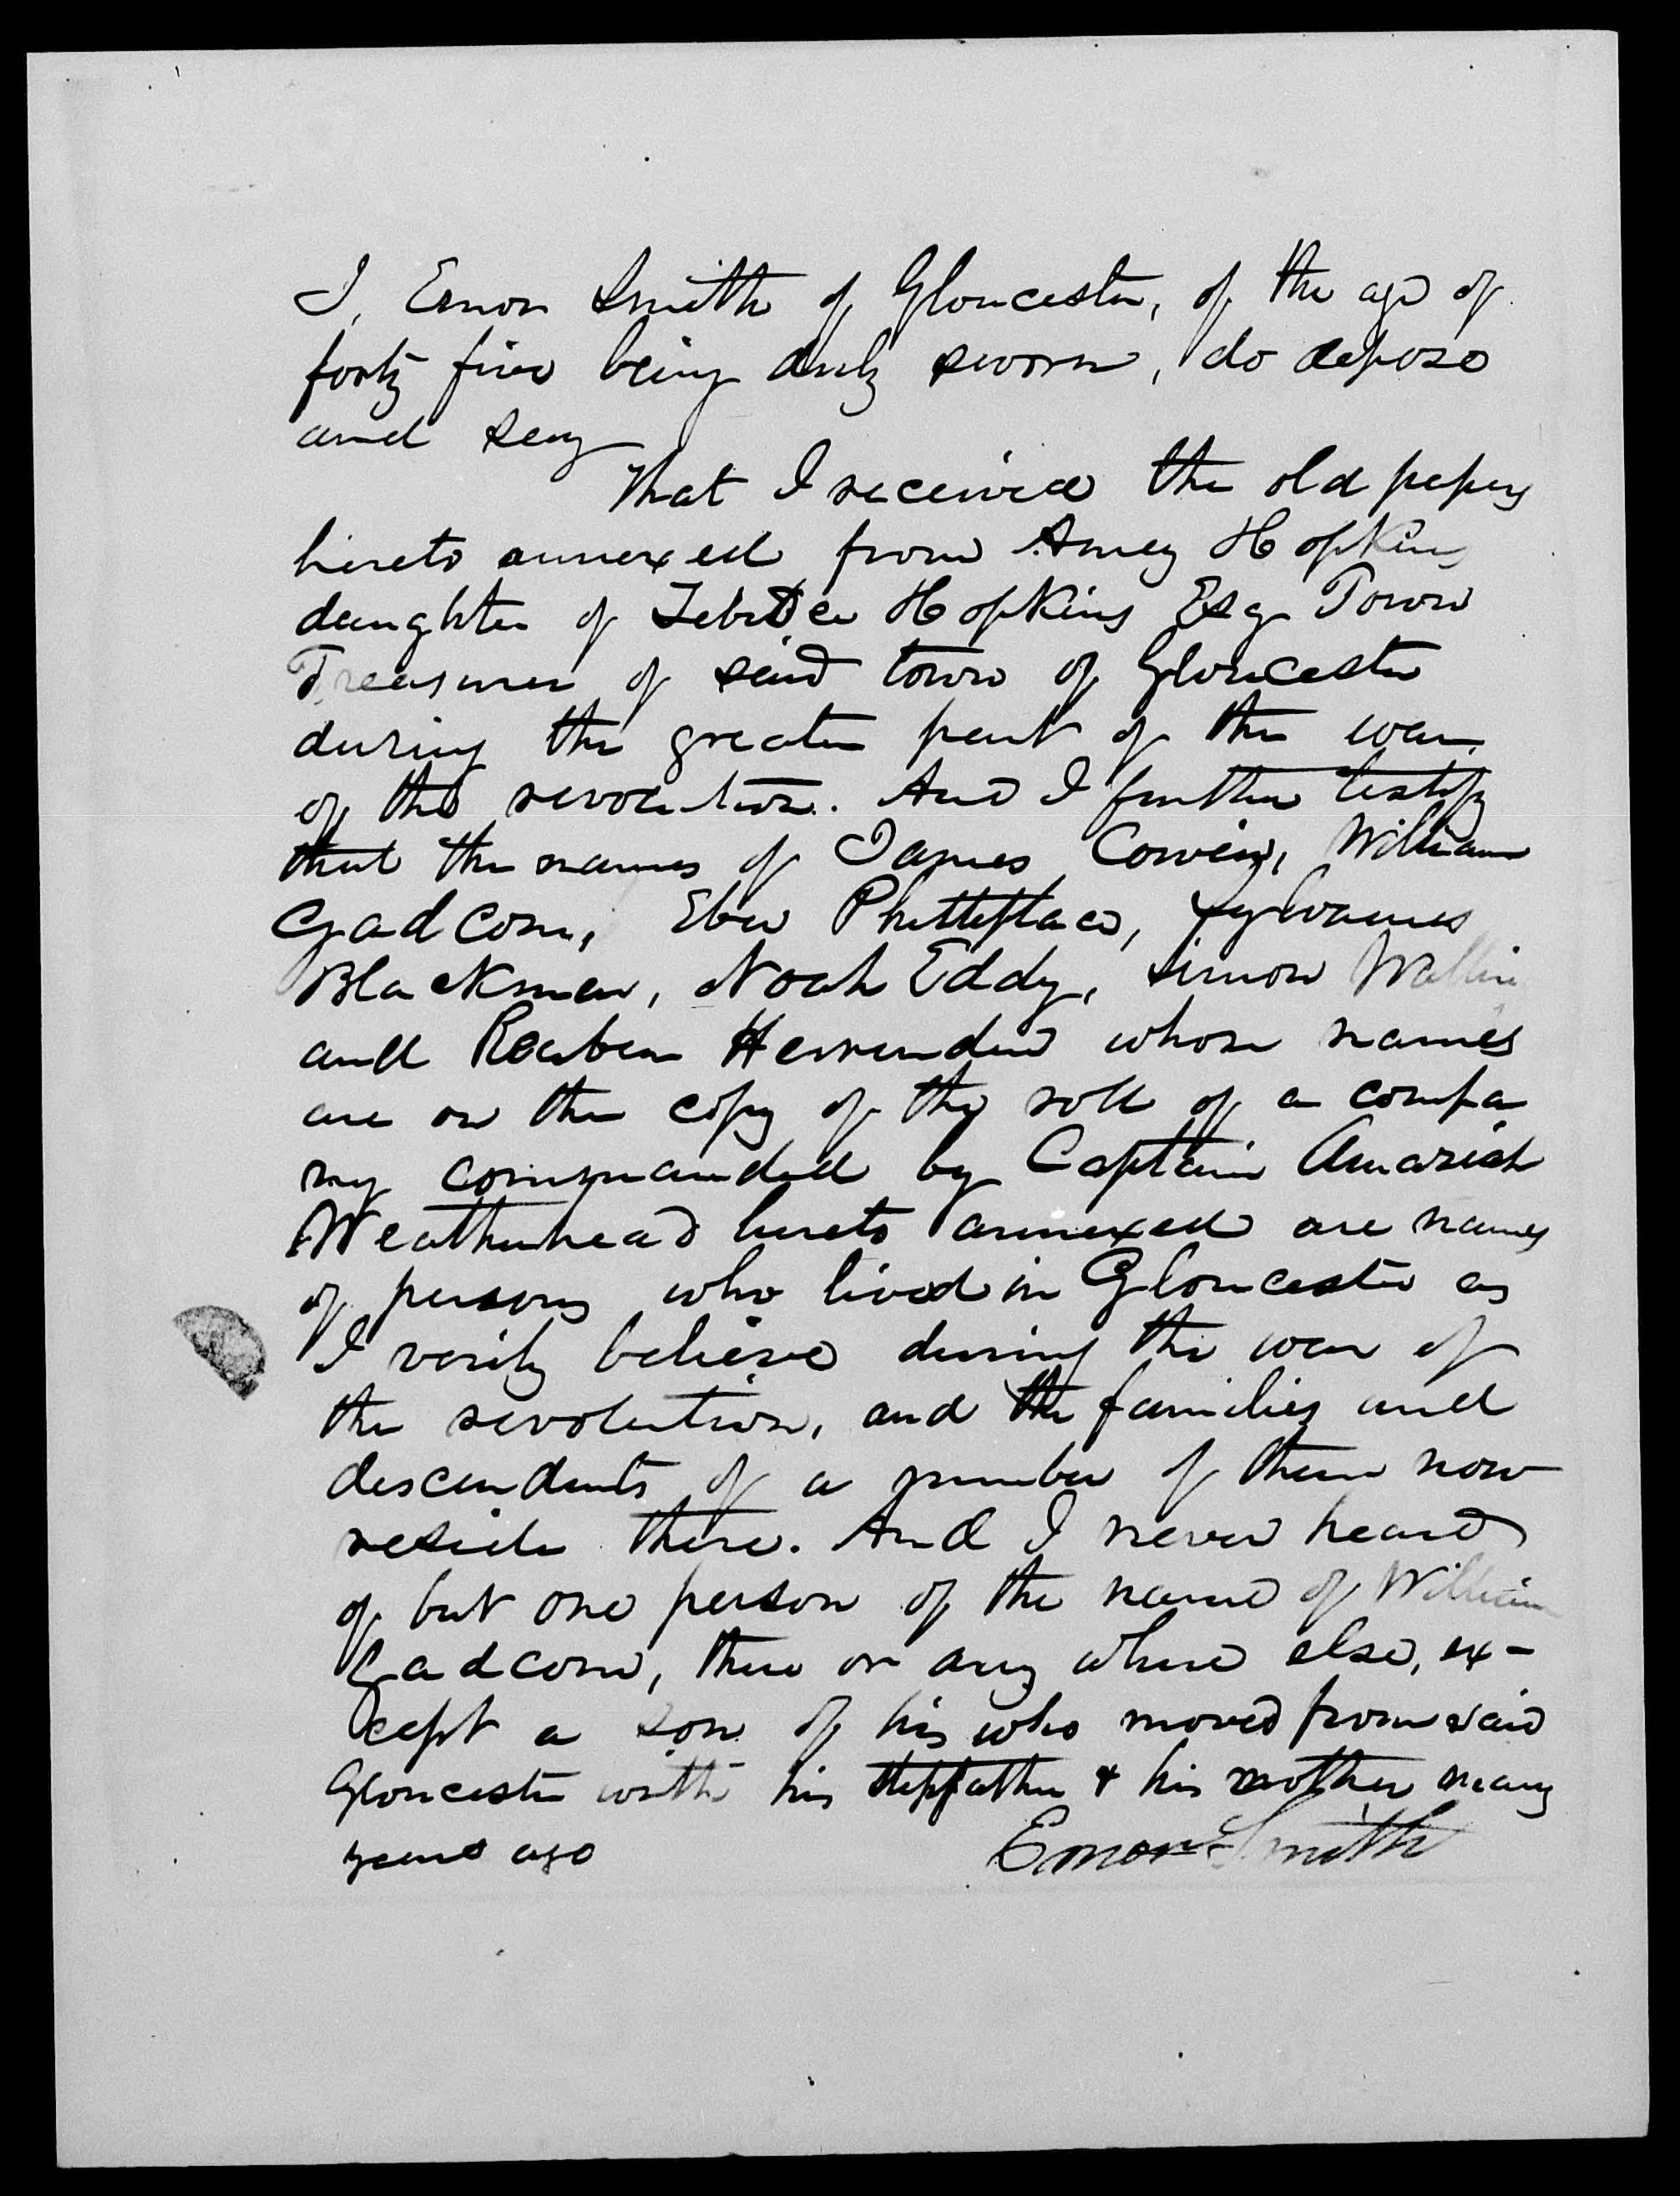I Emor Smith of Gloucester, of the age of forty five being duly sworn, do depose and say that I received the old papers hereto annexed from Amey Hopkins daughter of Lebedee Hopkins Esq. Town Treasurer of said town of Gloucester during the greater part of the war of the Revolution. And I further testify that the names of James Cowin, William Gadcom, Eber Phetteplace, Sylvanus Blackman, Noah Eddy, Simon Wallin and Reuben Herrenden whose names are on the copy of the roll of a company commanded by Captain Amaziah Weatherhead hereto annexed are names of persons who lived in Gloucester as I verily believe during the War of the Revolution, and the families and descendants of a number of them now reside there. And I never heard of but one person of the name of William Gadcom, there or any where else except a son of his who moved from said Gloucester with his stepfather and his mother many years ago.
Emor Smith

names: William Gadcom, Simon Wallin, Noah Eddy, Amey Hopkins, Amaziah Weatherhead, William Gadcom, Reuben Herendeen, Eber Phetteplace, Emor Smith, Emor Smith, Zebedee Hopkins, Sylvanus Blackmar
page: 53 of 76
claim: widow's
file: W. 15,517, William Gadcomb, R.I.